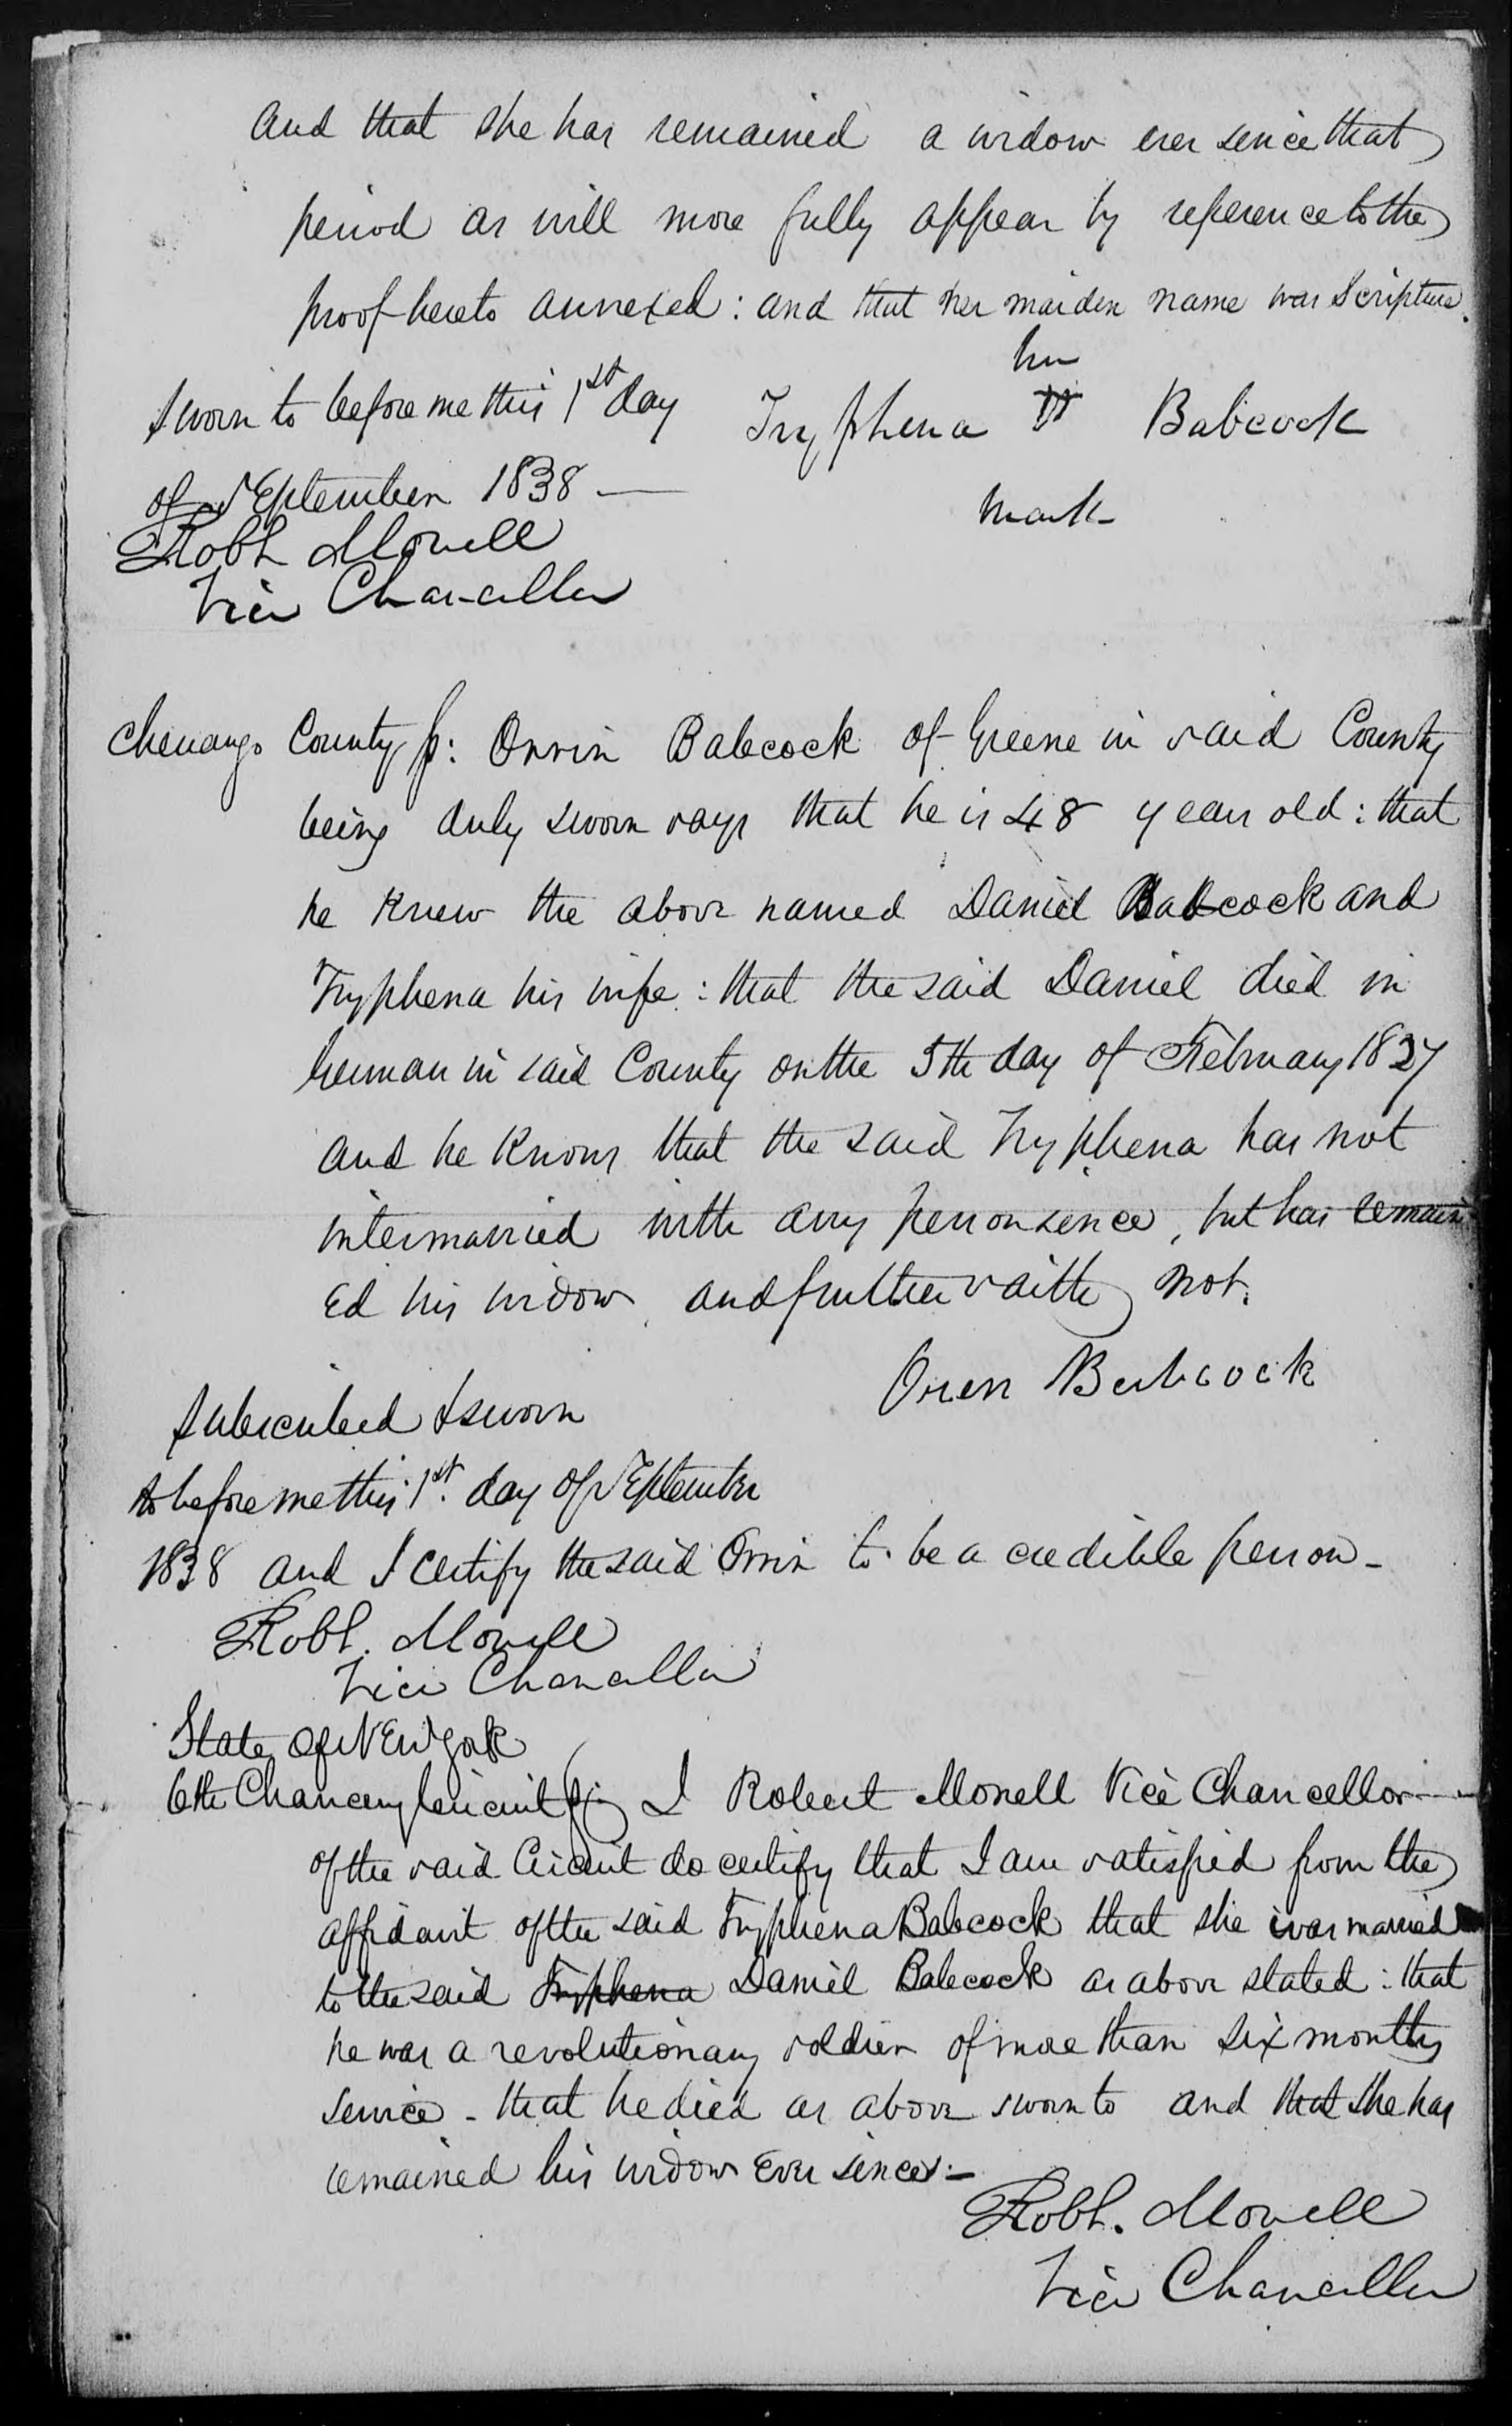and that she has remained a widow ever since that period as will more fully appear by reference to the proof hereto annexed: and that her maiden name was Scripture. 
Tryphena Babcock x her mark
Sworn to before me this 1st day of September 1838  
Robt Monell Vice Chancellor 
Chenango County ss: Orrin Babcock of Greene in said County being duly sworn says that he is 48 years old; that he knew the above named Daniel Babcock and Tryphena his wife that the said Daniel died in German in said County on the 5th day of February 1827 and he knows that the said Tryphena has not intermarried with any person since, but has been ed his widow and further saith not.   
Orrin Babcock
Subscribed & sworn  to before me this 1st day of September 1838 and I certify the said Orrin to be a credible person 
Robt Monell Vice Chancellor 
State of New York 
C. the Chancery Circuit ss  I Robert Monell Vice Chancellor of the said Circuit do certify that I am satisfied from the affidavit of the said Tryphena Babcock that she was married to the said Daniel Babcock as above stated that he was a revolutionary soldier of more than six months service, that he died as above sworn to and that she has remained his widow ever since.   
Robt Monell Vice Chancellor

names: Daniel Babcock, Daniel Babcock, Robt Monell, Tryphena Babcock, Robt Monell, Robert Monell, Tryphena, Oren Babcock, Tryphena Babcock, Robt Monell, Orrin Babcock, Tryphena, Daniel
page: 7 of 10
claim: rejected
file: R. 345, Daniel Babcock, Conn.